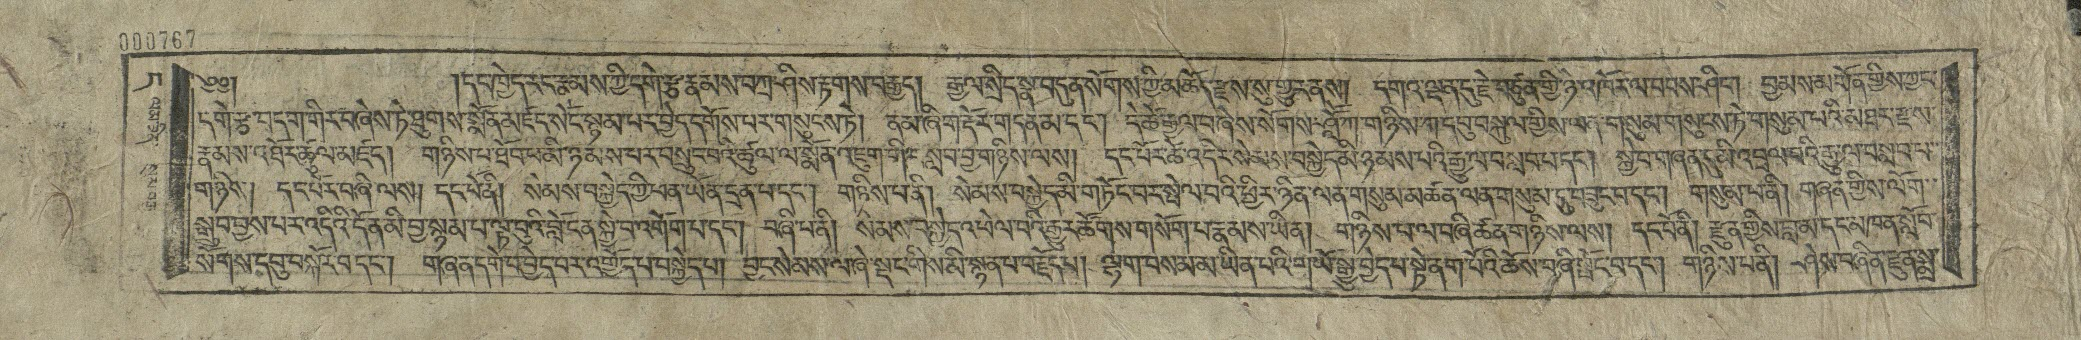༄༅། །དང་ཁྱེད་རང་རྣམས་ཀྱི་དགེ་རྩ་རྣམས་བཀྲ་ཤིས་རྟགས་བརྒྱད། རྒྱལ་སྲིད་སྣ་བདུན་སོགས་ཀྱི་མཆོད་རྫས་སུ་གྱུར་ནས། དགའ་ལྡན་དུ་རྗེ་བཙུན་གྱི་ཉེ་འཁོར་ལ་བབས་ཤིང་། བྱམས་མགོན་གྱིས་ཀྱང་
དགེ་རྩ་བདག་གིར་བཞེས་ཏེ་ཐུགས་སྨོན་མཛད་སོང་སྙམ་པར་བྱེད་དགོས་པར་གསུངས་ཏེ། ནམ་ཞིག་རྡོར་གདན་མ་དང་། དེ་ཚེ་རྒྱལ་བ་ཞེས་སོགས་ཤླཽ་ཀ་གཉིས་ཀ་དབུ་བསྐུལ་གྱིས་ལན་གསུམ་གསུངས་ཏེ་གསུམ་པའི་མཐར་རྫས་
རྣམས་འཐོར་ཚུལ་མཛད། གཉིས་པ་ཐོབ་པ་མི་ཉམས་པར་བསྲུང་བའི་ཚུལ་ལ་སྨོན་འཇུག་གི་བསླབ་བྱ་གཉིས་ལས། དང་པོར་ཚེ་འདིར་སེམས་བསྐྱེད་མི་ཉམས་པའི་རྒྱུ་ལ་བསླབ་པ་དང་། སྐྱེ་བ་གཞན་དུ་མི་འབྲལ་བའི་རྒྱུ་ལ་བསླབ་པ་
གཉིས། དང་པོར་བཞི་ལས། དང་པོ་ནི། སེམས་བསྐྱེད་ཀྱི་ཕན་ཡོན་དྲན་པ་དང་། གཉིས་པ་ནི། སེམས་བསྐྱེད་མི་གཏོང་བར་སྤེལ་བའི་ཕྱིར་ཉིན་ལན་གསུམ་མཚན་ལན་གསུམ་དུ་བཟུང་བ་དང་། གསུམ་པ་ནི། གཞན་གྱིས་ལོག་
སྒྲུབ་བྱས་པར་འདིའི་དོན་མི་བྱ་སྙམ་པ་ལྟ་བུའི་བློ་ངན་སྐྱེ་བ་འགོག་པ་དང་། བཞི་པ་ནི། སེམས་བསྐྱེད་འཕེལ་བའི་རྒྱུར་ཚོགས་གསོག་པ་རྣམས་ཡིན། གཉིས་པ་ལ་བཞི་ཚན་གཉིས་ལས། དང་པོ་ནི། རྫུན་གྱིས་བླ་མ་དང་མཁན་སློབ་
སོགས་དབུ་བསྐོར་བ་དང་། གཞན་དགེ་བ་བྱེད་པར་འགྱོད་པ་བསྐྱེད་པ། བྱང་སེམས་ལ་ཞེ་སྡང་གིས་མི་སྙན་པ། བརྗོད་པ། ལྷག་བསམ་མ་ཡིན་པའི་གཡོ་སྒྱུ་བྱེད་པ་སྟེ་ནག་པོའི་ཆོས་བཞི་སྤོང་བ་དང་། གཉིས་པ་ནི། ཤེས་བཞིན་རྫུན་སྨྲ་